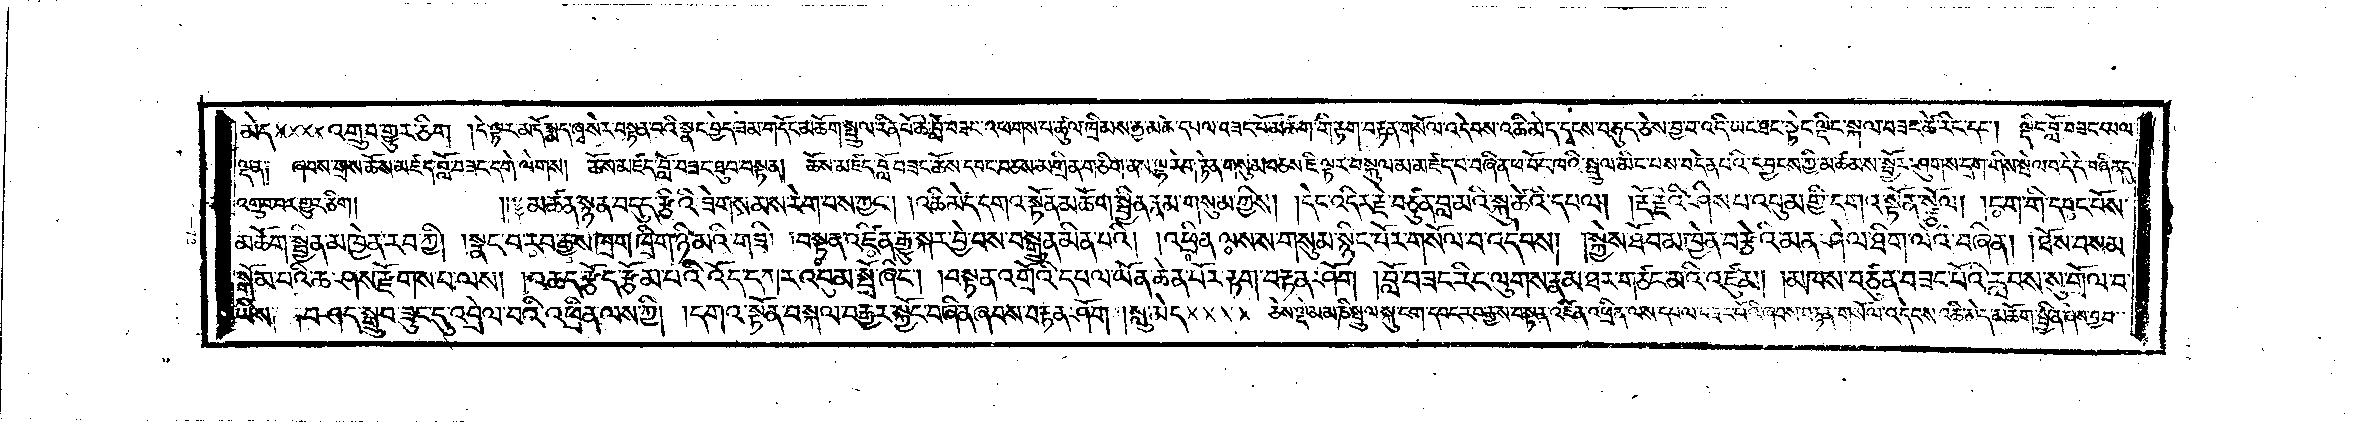མེད་྾྾྾་འགྲུབ་གྱུར་ཅིག །དེ་ལྟར་མདོ་སྨད་ཞྭ་སེར་བསྟན་པའི་སྣང་བྱེད་ཟམ་གདོང་མཆོག་སྤྲུལ་རིན་པོ་ཆེ་བློ་བཟང་འཕགས་པ་ཚུལ་ཁྲིམས་རྒྱ་མཚོ་དཔལ་བཟང་པོ་མཆོག་གི་རྟག་བརྟན་གསོལ་འདེབས་འཆི་མེད་དྭངས་བཅུད་ཅེས་བྱ་བ་འདི་ཡང་ཐང་སྟེང་ལྡིང་སྐལ་བཟང་ཚེ་རིང་དང་། ལྡིང་བློ་བཟང་དཔལ་
ལྡན༑ ཞབས་གྲས་ཆོས་མཛད་བློ་བཟང་དགེ་ལེགས། ཆོས་མཛད་བློ་བཟང་ཐུབ་བསྟན། ཆོས་མཛད་བློ་བཟང་ཆོས་དབང་བཅས་མགྲིན་གཅིག་ནས་ལྷ་རེག་རྟེན་གསུམ་བཅས་ཇི་ལྟར་བསྐུལ་མ་མཛད་པ་བཞིན་ཕ་བོང་ཁའི་སྤྲུལ་མིང་པས་བདེན་པའི་དབྱངས་ཀྱི་མཚམས་སྦྱོར་ཤུགས་དྲག་གིས་སྤེལ་བ་དེ་དེ་བཞིན་དུ་
འགྲུབ་པར་གྱུར་ཅིག ། ། ། ༈ མཚན་སྙན་བདུད་རྩིའི་ཟེགས་མས་རེག་བས་ཀྱང་། །འཆི་མེད་དགའ་སྟོན་མཆོག་སྦྱིན་རྣམ་གསུམ་གྱིས། །དེང་འདིར་རྗེ་བཙུན་བླ་མའི་སྐུ་ཚེའི་དཔལ། །རྡོ་རྗེའི་ཤིས་པ་འབུམ་གྱི་དགའ་སྟོན་སྩོལ། །ངག་གི་དབང་པོས་
མཆོག་སྦྱིན་མཁྱེན་རབ་ཀྱི། །སྣང་བ་རབ་རྒྱས་ཁྲག་ཁྲིག་ཉི་མའི་གཟི། །བསྟན་འཛིན་རྒྱུ་སྐར་བྱེ་བས་བསྒྲུན་མིན་པའི། །འཕྲིན་ལས་ས་གསུམ་སྙིང་པོར་གསོལ་བ་འདེབས། །སྐྱེས་ཐོབ་མཁྱེན་བརྩེའི་མན་ཤེལ་ཐིག་ལེའི་བཞིན། །ཐོས་བསམ་
སྒོམ་པའི་ཆ་ཤས་རྫོགས་པ་ལས། །འཆད་རྩོད་རྩོམ་པའི་འོད་དཀར་འབུམ་སྤྲོ་ཞིང་། །བསྟན་འགྲོའི་དཔལ་ཡོན་ཆེན་པོར་རྟག་བརྟན་ཤོག །བློ་བཟང་རིང་ལུགས་རྣམ་ཐར་གཙང་མའི་འཛུམ། །མཁས་བཙུན་བཟང་པོའི་རླབས་སུ་གྲོལ་བ་
ཡིས༑ ༑བཤད་སྒྲུབ་ཟུང་དུ་འབྲེལ་བའི་འཕྲིན་ལས་ཀྱི། །དགའ་སྟོན་བསྐལ་བརྒྱར་སྐྱོང་བཞིན་ཞབས་བརྟན་ཤོག །སླུ་མེད་྾྾྾་ཅིས་ལྡེམ་མ་ཎི་སྤྲུལ་སྐུ་ངག་དབང་རབ་རྒྱས་བསྟན་འཛིན་འཕྲིན་ལས་དཔལ་བཟང་པོའི་ཞབས་བརྟན་གསོལ་འདེབས་འཆི་མེད་མཆོག་སྦྱིན་ཞེས་བྱ་བ